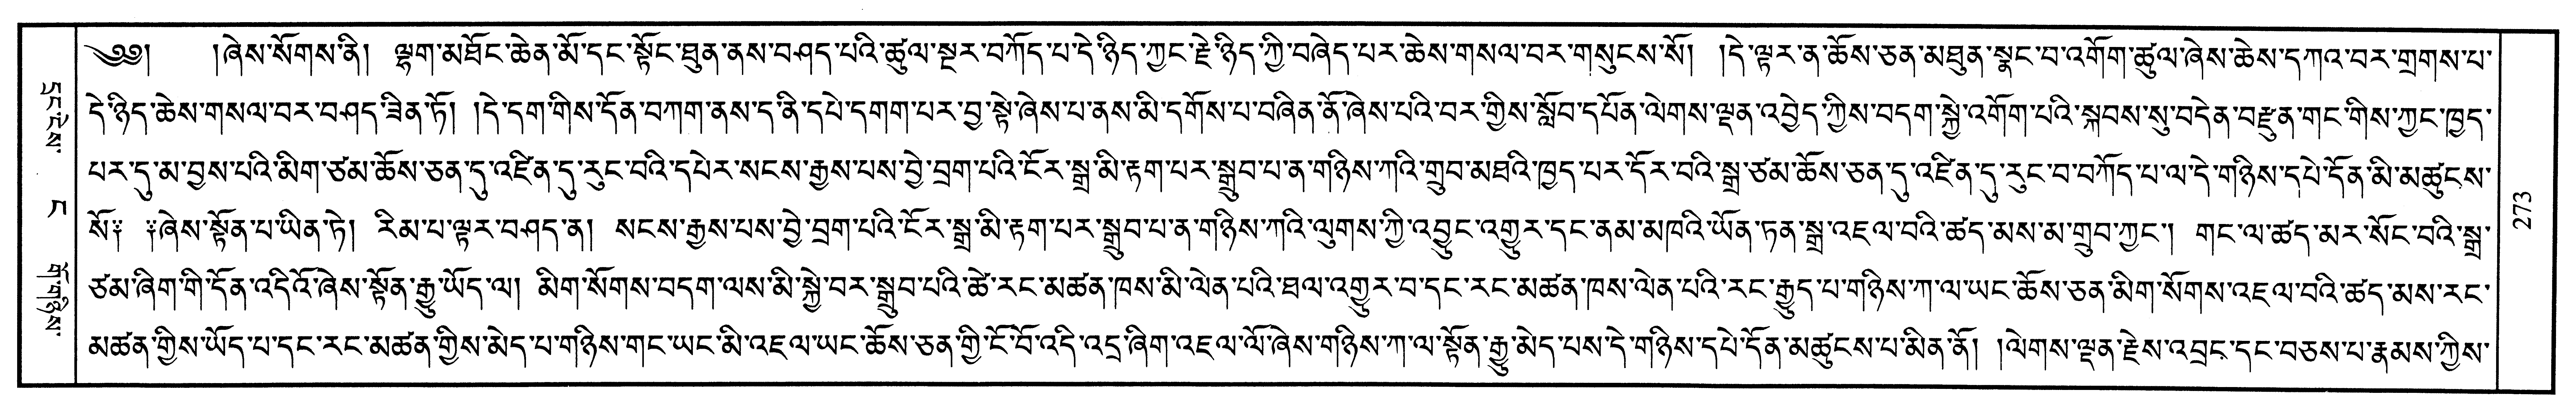༄༅། །ཞེས་སོགས་ནི། ལྷག་མཐོང་ཆེན་མོ་དང་སྟོང་ཐུན་ནས་བཤད་པའི་ཚུལ་སྔར་བཀོད་པ་དེ་ཉིད་ཀྱང་རྗེ་ཉིད་ཀྱི་བཞེད་པར་ཆེས་གསལ་བར་གསུངས་སོ། །དེ་ལྟར་ན་ཆོས་ཅན་མཐུན་སྣང་བ་འགོག་ཚུལ་ཞེས་ཆེས་དཀའ་བར་གྲགས་པ་
དེ་ཉིད་ཆེས་གསལ་བར་བཤད་ཟིན་ཏོ། །དེ་དག་གིས་དོན་བཀག་ནས་ད་ནི་དཔེ་དགག་པར་བྱ་སྟེ་ཞེས་པ་ནས་མི་དགོས་པ་བཞིན་ནོ་ཞེས་པའི་བར་གྱིས་སློབ་དཔོན་ལེགས་ལྡན་འབྱེད་ཀྱིས་བདག་སྐྱེ་འགོག་པའི་སྐབས་སུ་བདེན་བརྫུན་གང་གིས་ཀྱང་ཁྱད་
པར་དུ་མ་བྱས་པའི་མིག་ཙམ་ཆོས་ཅན་དུ་འཛིན་དུ་རུང་བའི་དཔེར་སངས་རྒྱས་པས་བྱེ་བྲག་པའི་ངོར་སྒྲ་མི་རྟག་པར་སྒྲུབ་པ་ན་གཉིས་ཀའི་གྲུབ་མཐའི་ཁྱད་པར་དོར་བའི་སྒྲ་ཙམ་ཆོས་ཅན་དུ་འཛིན་དུ་རུང་བ་བཀོད་པ་ལ་དེ་གཉིས་དཔེ་དོན་མི་མཚུངས་
སོ༑ ༑ཞེས་སྟོན་པ་ཡིན་ཏེ། རིམ་པ་ལྟར་བཤད་ན། སངས་རྒྱས་པས་བྱེ་བྲག་པའི་ངོར་སྒྲ་མི་རྟག་པར་སྒྲུབ་པ་ན་གཉིས་ཀའི་ལུགས་ཀྱི་འབྱུང་འགྱུར་དང་ནམ་མཁའི་ཡོན་ཏན་སྒྲ་འཇལ་བའི་ཚད་མས་མ་གྲུབ་ཀྱང་། གང་ལ་ཚད་མར་སོང་བའི་སྒྲ་
ཙམ་ཞིག་གི་དོན་འདིའོ་ཞེས་སྟོན་རྒྱུ་ཡོད་ལ། མིག་སོགས་བདག་ལས་མི་སྐྱེ་བར་སྒྲུབ་པའི་ཚེ་རང་མཚན་ཁས་མི་ལེན་པའི་ཐལ་འགྱུར་བ་དང་རང་མཚན་ཁས་ལེན་པའི་རང་རྒྱུད་པ་གཉིས་ཀ་ལ་ཡང་ཆོས་ཅན་མིག་སོགས་འཇལ་བའི་ཚད་མས་རང་
མཚན་གྱིས་ཡོད་པ་དང་རང་མཚན་གྱིས་མེད་པ་གཉིས་གང་ཡང་མི་འཇལ་ཡང་ཆོས་ཅན་གྱི་ངོ་བོ་འདི་འདྲ་ཞིག་འཇལ་ལོ་ཞེས་གཉིས་ཀ་ལ་སྟོན་རྒྱུ་མེད་པས་དེ་གཉིས་དཔེ་དོན་མཚུངས་པ་མིན་ནོ། །ལེགས་ལྡན་རྗེས་འབྲང་དང་བཅས་པ་རྣམས་ཀྱིས་